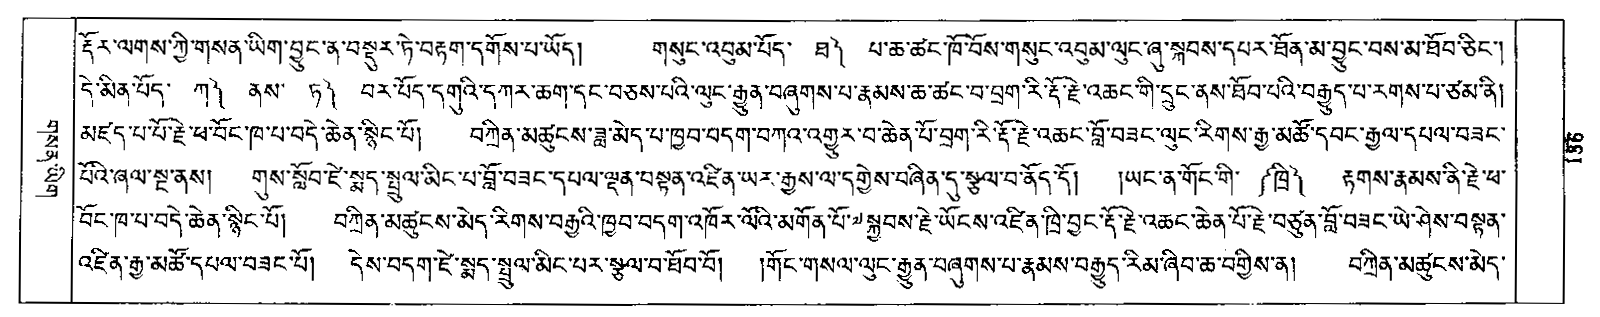རྡོར་ལགས་ཀྱི་གསན་ཡིག་བྱུང་ན་བསྡུར་ཏེ་བརྟག་དགོས་པ་ཡོད། གསུང་འབུམ་པོད་ཐ྄་པ་ཆ་ཚང་ཁོ་བོས་གསུང་འབུམ་ལུང་ཞུ་སྐབས་དཔར་ཐོན་མ་བྱུང་བས་མ་ཐོབ་ཅིང་།
དེ་མིན་པོད་ཀ྄་ནས་ཏ྄་བར་པོད་དགུའི་དཀར་ཆག་དང་བཅས་པའི་ལུང་རྒྱུན་བཞུགས་པ་རྣམས་ཆ་ཚང་བ་བྲག་རི་རྡོ་རྗེ་འཆང་གི་དྲུང་ནས་ཐོབ་པའི་བརྒྱུད་པ་རགས་པ་ཙམ་ནི།
མཛད་པ་པོ་རྗེ་ཕ་བོང་ཁ་པ་བདེ་ཆེན་སྙིང་པོ། བཀྲིན་མཚུངས་ཟླ་མེད་པ་ཁྱབ་བདག་བཀའ་འགྱུར་བ་ཆེན་པོ་བྲག་རི་རྡོ་རྗེ་འཆང་བློ་བཟང་ལུང་རིགས་རྒྱ་མཚོ་དབང་རྒྱལ་དཔལ་བཟང་
པོའི་ཞལ་སྔ་ནས། གུས་སློབ་ཛེ་སྨད་སྤྲུལ་མིང་པ་བློ་བཟང་དཔལ་ལྡན་བསྟན་འཛིན་ཡར་རྒྱས་ལ་དགྱེས་བཞིན་དུ་སྩལ་བ་ནོད་དོ། །ཡང་ན་གོང་གི་ཁྲ྄ི་རྟགས་རྣམས་ནི་རྗེ་ཕ་
བོང་ཁ་པ་བདེ་ཆེན་སྙིང་པོ། བཀྲིན་མཚུངས་མེད་རིགས་བརྒྱའི་ཁྱབ་བདག་འཁོར་ལོའི་མགོན་པོ་༧་སྐྱབས་རྗེ་ཡོངས་འཛིན་ཁྲི་བྱང་རྡོ་རྗེ་འཆང་ཆེན་པོ་རྗེ་བཙུན་བློ་བཟང་ཡེ་ཤེས་བསྟན་
འཛིན་རྒྱ་མཚོ་དཔལ་བཟང་པོ། དེས་བདག་ཛེ་སྨད་སྤྲུལ་མིང་པར་སྩལ་བ་ཐོབ་བོ། །གོང་གསལ་ལུང་རྒྱུན་བཞུགས་པ་རྣམས་བརྒྱུད་རིམ་ཞིབ་ཆ་བགྱིས་ན། བཀྲིན་མཚུངས་མེད་